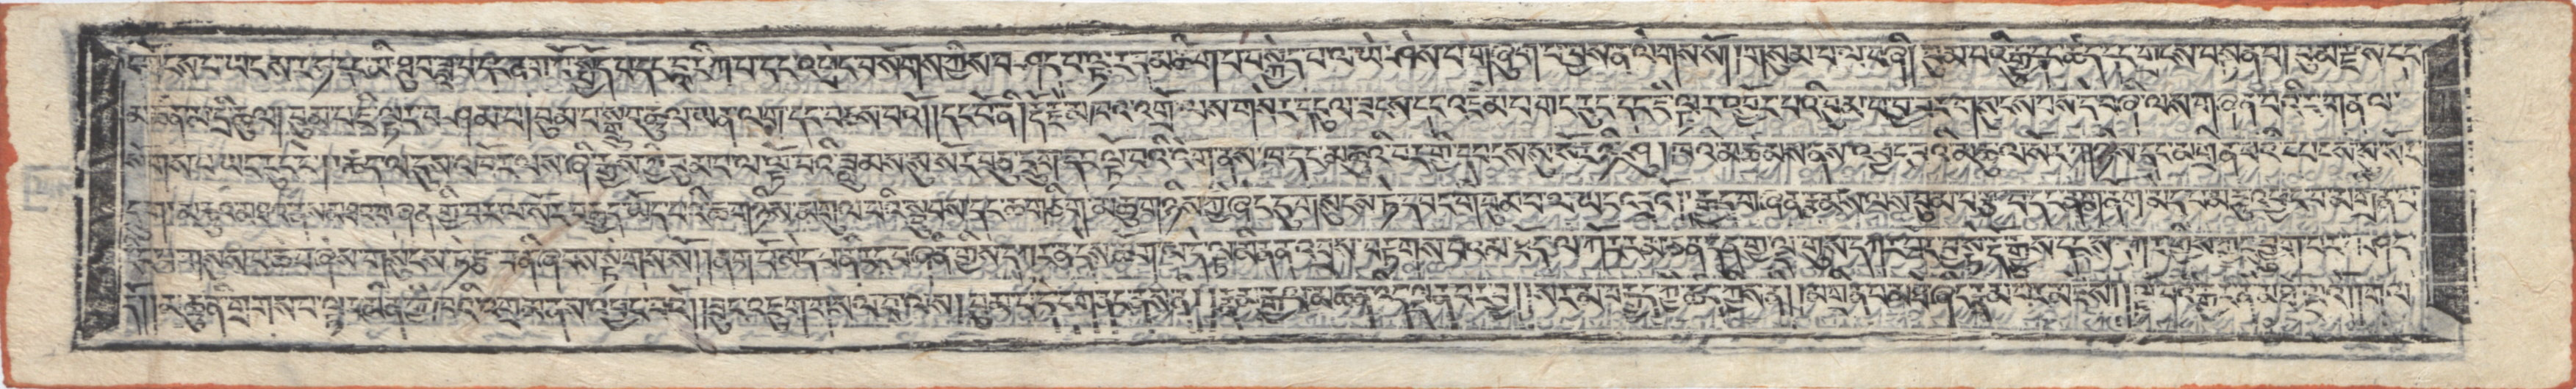དགོངས་པ་ཡངས་ར་ཧ་དང་མི་ཐུབ་ཟླ་བ་དང་ནག་པོ་སྤྱོད་པ་དང་དཱ་རི་ཀ་པ་དང་འཕྲེང་བ་སོགས་ཀྱིས་བཤད་པ་ལྟར་དམ་ཚིག་པ་བསྐྱེད་པ་ལ་ཡེ་ཤེས་པ་གཞུག་པ་བྱས་ན་ལེགས་སོ། །གསུམ་པ་ལ་བཞི། བུམ་པའི་རྒྱུ་དང་ཚད་དང་གྲངས་བསྟན་པ། བུམ་རྫས་དང་
མཚན་མ་དྲི་ཚུལ། བུམ་པ་ཇི་ལྟར་བཤམ་པ། བུམ་པ་སྒྲུབ་ཚུལ་ཡན་ལག་དང་བཅས་པའོ། །དང་པོ་ནི། རྡོ་རྗེ་མཁའ་འགྲོ་ལས་གསེར་དངུལ་ཟངས་དང་འཇིམ་?་པ་གང་རུང་དང་ཇི་ལྟར་འབྱོར་པའི་བུམ་པ་བྱ་བར་གསུངས་པས་དེ་བཞི་ལས་གཞན་པའི་ར་གན་ལ་
སོགས་པ་ཡང་རུང་ངོ། །ཚད་ལ་དུས་འཁོར་ལས་ཞི་རྒྱས་ཀྱི་བུམ་པ་ལ་ལྟོ་བའི་ཟླུམས་སུ་སོར་བཅུ་དྲུག་དང་ལྟོ་བའི་འོག་ནས་ཁ་དང་མཆུའི་བར་གྱི་དཔངས་སུ་སོར་ཉི་ཤུ་།ཁའི་མཚམས་ནས་འཕྱང་བའི་མཆུ་ལ་སོར་གཉིས་དང་མགྲིན་པའི་དཔངས་སུ་སོར་
དྲུག་མཆུའི་མཐའ་ནས་མཐའ་གཞན་གྱི་བར་ལ་སོར་བརྒྱད་ཡོད་པའི་ཆ་གཉིས་མགུལ་བའི་སྦུབས་དང་ཆ་གཅིག་མཆུ་གཉིས་ཀྱི་ཞེང་དུ་གསུངས་ཏེ་དབང་གི་བུམ་པ་ལ་ཡང་འདྲའོ། །རྒྱུད་གཞན་རྣམས་ལས་བུམ་པ་རྩ་བ་དང་ནག་ནོག་མེད་པ་མཆུ་འཕྱང་བ་མགྲིན་པ་
རིང་བ་གསུས་པ་ཆེ་བ་ཞེས་གསུངས་ཏེ་རྩ་བ་ནི་ཞབས་སྟེགས་སོ། །ནག་པོ་མེད་པ་ནི་རང་བཞིན་གྱིས་དཀར་ན་དེས་ཆོ་ག་ལ་དེ་ལྟ་མིན་ན་འབྲས་བརྟགས་པའམ་ཐོད་ལ་ཀོར་རམ་ཙན་དན་གྱི་ལྔ་གུས་དཀར་པོར་བྱ་སྟེ་རྡོ་རྒྱུས་དང་ས་དཀར་གྱིས་ཀྱང་བྱུག་པར་བཤད་
དོ། །མཆུ་ནི་གྲགས་པ་ལྟར་མིན་གྱི་ཁའི་འགྲམ་ནས་འཕྱང་བའོ། །ཟུང་འཇུག་གསལ་བ་ལས། བུམ་པ་དེ་དག་ནང་ནས་ནི། །རྣམ་རྒྱལ་མཚན་ཉིད་ལྡན་པར་བྱ། །སོར་མ་བརྒྱད་ཀྱི་ཚད་ཀྱིས་ནི། །མགྲིན་པ་མཐོ་ཞིང་རྣམ་པར་མཛེས། །ལྟོ་བའི་རྒྱར་ནི་མཐོ་ལྔའོ། །གལ་